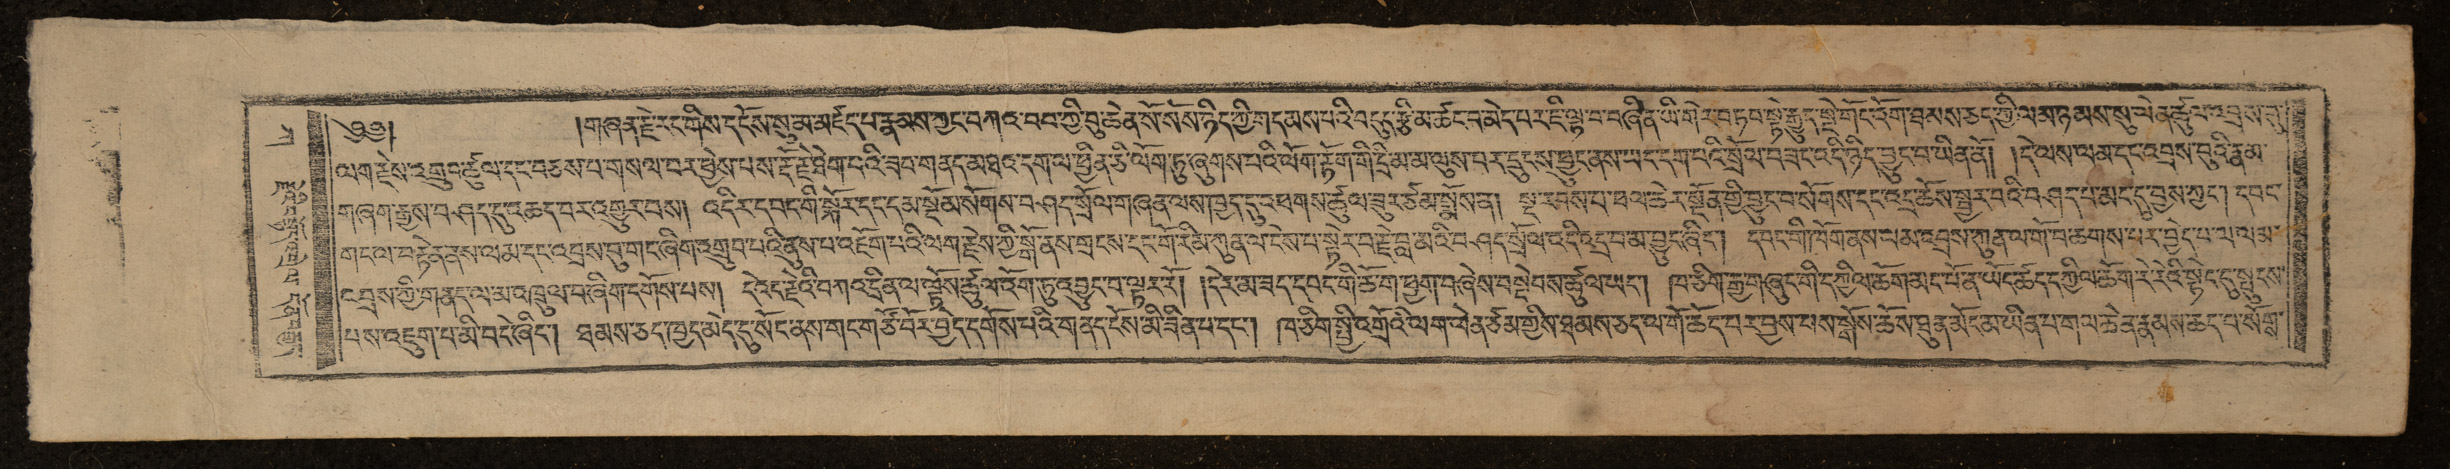༄༅། །གཞན་རྗེ་རང་གིས་དངོས་སུ་མ་མཛད་པ་རྣམས་ཀྱང་བཀའ་བབ་ཀྱི་བུ་ཆེན་སོ་སོས་ཉིད་ཀྱི་གདམས་བའི་བདུད་རྩིམ་ཙང་བ་མེད་བར་ཇི་ལྟ་བ་བཞིན་ཡི་གེར་བཏབ་སྟེ་རྒྱུད་སྡེ་གོང་འོག་ཐམས་ཅད་ཀྱི་ལམ་ཉམས་སུ་ལེན་ཚུལ་འབྲས་བུ་
ལག་རྗེས་འགྲུབ་ཚུལ་དང་བཅས་པ་གསལ་བར་ཕྱེས་པས་རྡོ་རྗེ་ཐེག་པའི་ཟབ་གནད་མཐའ་དག་ལ་ཕྱིན་ཅི་ལོག་ཏུ་ཞུགས་པའི་ལོག་རྟོག་གི་དྲིམ་མ་ལུས་པར་ཟུངས་ཕྱུང་ནས་ལང་དག་པའི་སྲོལ་བཟང་འདི་ཉིད་བྱུང་བ་ཡིན་ནོ། །དེ་ལས་ལམ་དང་འབྲས་བུའི་རྣམ་
གཞག་རྒྱས་བཤད་དུ་འཆད་པར་འགྱུར་བས། འདིར་དབང་གི་སྐོར་དང་དམ་སྡོམ་སོགས་བཤད་སྲོལ་གཞན་ལས་བྱད་དུ་འཕགས་ཚུལ་བྲུང་མ་སྐྱོབ་ན། །སྔགས་པ་ཕལ་ཆེར་སྔོན་གྱི་བྱུང་བ་སོགས་དང་འདྲ་ཆོས་སྦྱར་བའི་རང་གདབ་མང་དུ་བྱས་ཀྱང་། དབང་
གང་ལ་བརྟེན་ནས་ལམ་དང་འབྲས་བུ་གང་ཞིག་འགྲུབ་པའི་ནུས་པ་འཇོག་པའི་ལག་རྗེས་ཀྱི་སྒོ་ནས་གྲངས་དང་གོ་རིམ་ཀུན་ལ་ངེས་པ་སྟེར་བ་རྗེ་བླ་མའི་བཤད་སྲེལ་འདི་འདྲབ་མ་བྱུང་ཞིང་། དབང་གི་ཁོག་ནས་ལམ་འབྲས་ཀུན་ལ་གོ་བ་ཆགས་པར་བྱེད་པ་ལ་ལམ་
འབྲས་ཀྱི་གནད་ལམ་འཁྲུལ་བ་ཞིག་དགོས་པས། དེའང་རྗེའི་བཀའ་དྲིན་ལ་ལྟོས་ཚུལ་འོག་ཏུ་འབྱུང་བ་ལྟར་རོ། །དེར་མ་ཟད་དབང་གི་ཆོ་ག་ཕྱག་བཞེས་བསྡེབས་ཚུལ་ཡང་། ཁ་ཅིག་རྒྱ་གཞུང་གི་དཀྱིལ་ཆོག་མང་པོ་ན་ཡོབ་ཚད་དཀྱིལ་ཆོག་རེ་རེའི་སྟེར་དུ་སྤུངས་
པས་འཇུག་པ་མི་བདེ་ཞིང་། ཐམས་ཅད་ཁྱད་མེད་དུ་སོང་ནས་གང་གཙོ་བོར་བྱེད་དགོས་པའི་གནད་ངོས་མི་ཟིན་པ་དང་། ཁ་ཅིག་སྤྱི་འགྲོའི་ལག་ལེན་ཙམ་གྱིས་ཐམས་ཅད་ལ་གོ་ཆོད་པར་བྱས་པས་སོགས་ཆོས་ཐུན་མོང་མ་ཡིན་པ་གལ་ཆེན་རྣམས་ཚད་པ་སོགས་